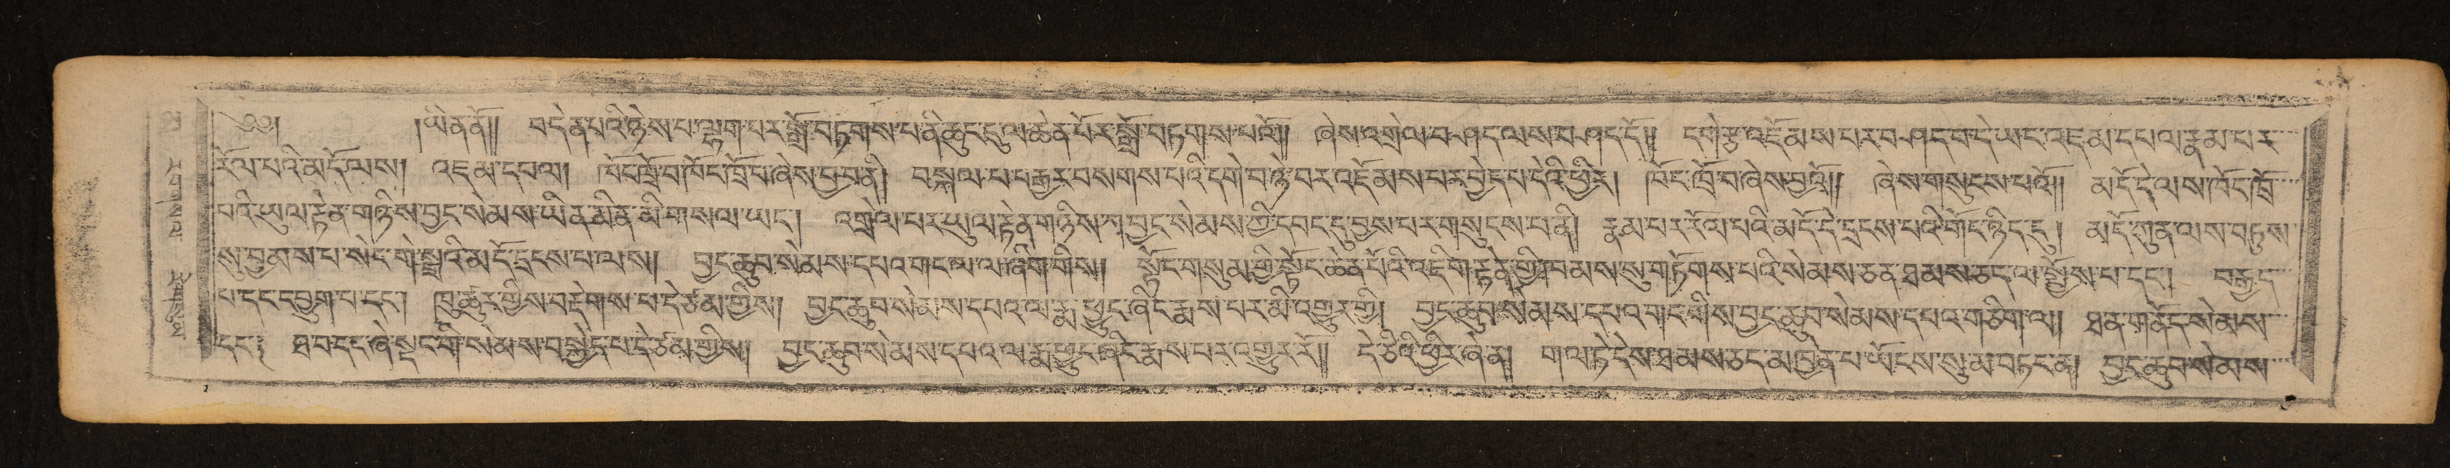༄༅། །ཡིན་ནོ།། བདེན་པའི་ཉེས་པ་ལྷག་པར་སྒྲོ་བཏགས་པ་ནི་ཆུང་ངུ་ལ་ཆེན་པོར་སྒྲོ་བཏགས་པའོ།། ཞེས་འགྲེལ་བཤད་ལས་བཤད་དོ།། དགེ་རྩ་འཇོམས་པར་བཤད་པ་དེ་ཡང་འཇམ་དཔལ་རྣམ་པར་
རོལ་པའི་མདོ་ལས། འཇམ་དཔལ། ཁོང་ཁྲོ་བ་ཁོང་ཁྲོ་བ་ཞེས་བྱ་བ་ནི། བསྐལ་པ་བརྒྱར་བསགས་པའི་དགེ་བ་ཉེ་བར་འཇོམས་པར་བྱེད་པ་དེའི་ཕྱིར། ཁོང་ཁྲོ་བ་ཞེས་བྱའོ།། ཞེས་གསུངས་པའོ།། མདོ་དེ་ལས་ཁོང་ཁྲོ་
བའི་ཡུལ་རྟེན་གཉིས་བྱང་སེམས་ཡིན་མིན་མི་གསལ་ཡང་། འགྲེལ་པར་ཡུལ་རྟེན་གཉིས་ཀ་བྱང་སེམས་ཀྱི་དབང་དུ་བྱས་པར་གསུངས་པ་ནི། རྣམ་པར་རོལ་པའི་མདོ་དེ་དྲངས་པའི་གོང་ཉིད་དུ། མདོ་ཀུན་ལས་བཏུས་
སུ་བྱམས་པ་སེང་གེ་སྒྲའི་མདོ་དྲངས་པ་ལས། བྱང་ཆུབ་སེམས་དཔའ་གང་ལ་ལ་ཞིག་གིས། སྟོང་གསུམ་གྱི་སྟོང་ཆེན་པོའི་འཇིག་རྟེན་གྱི་ཁམས་སུ་གཏོགས་པའི་སེམས་ཅན་ཐམས་ཅད་ལ་སྤྱོས་པ་དང་། བརྒྱད་
པ་དང་དབྱུག་པ་དང་། ཁུ་ཚུར་གྱིས་བརྡེགས་པ་དེ་ཙམ་གྱིས། བྱང་ཆུབ་སེམས་དཔའ་ལ་རྨ་ཕྱུང་ཞིང་རྨས་པར་མི་འགྱུར་གྱི། བྱང་ཆུབ་སེམས་དཔའ་གང་གིས་བྱང་ཆུབ་སེམས་དཔའ་གཅིག་ལ། ཐ་ན་གནོད་སེམས་
དང༑ ཐ་བ་དང་ཞེ་སྡང་གི་སེམས་བསྐྱེད་པ་དེ་ཙམ་གྱིས། བྱང་ཆུབ་སེམས་དཔའ་ལ་རྨ་ཕྱུང་ཞིང་རྨས་པར་འགྱུར་རོ།། དེ་ཅིའི་ཕྱིར་ཞེ་ན། གལ་ཏེ་དེས་ཐམས་ཅད་མཁྱེན་པ་ཡོངས་སུ་མ་བཏང་ན། བྱང་ཆུབ་སེམས་